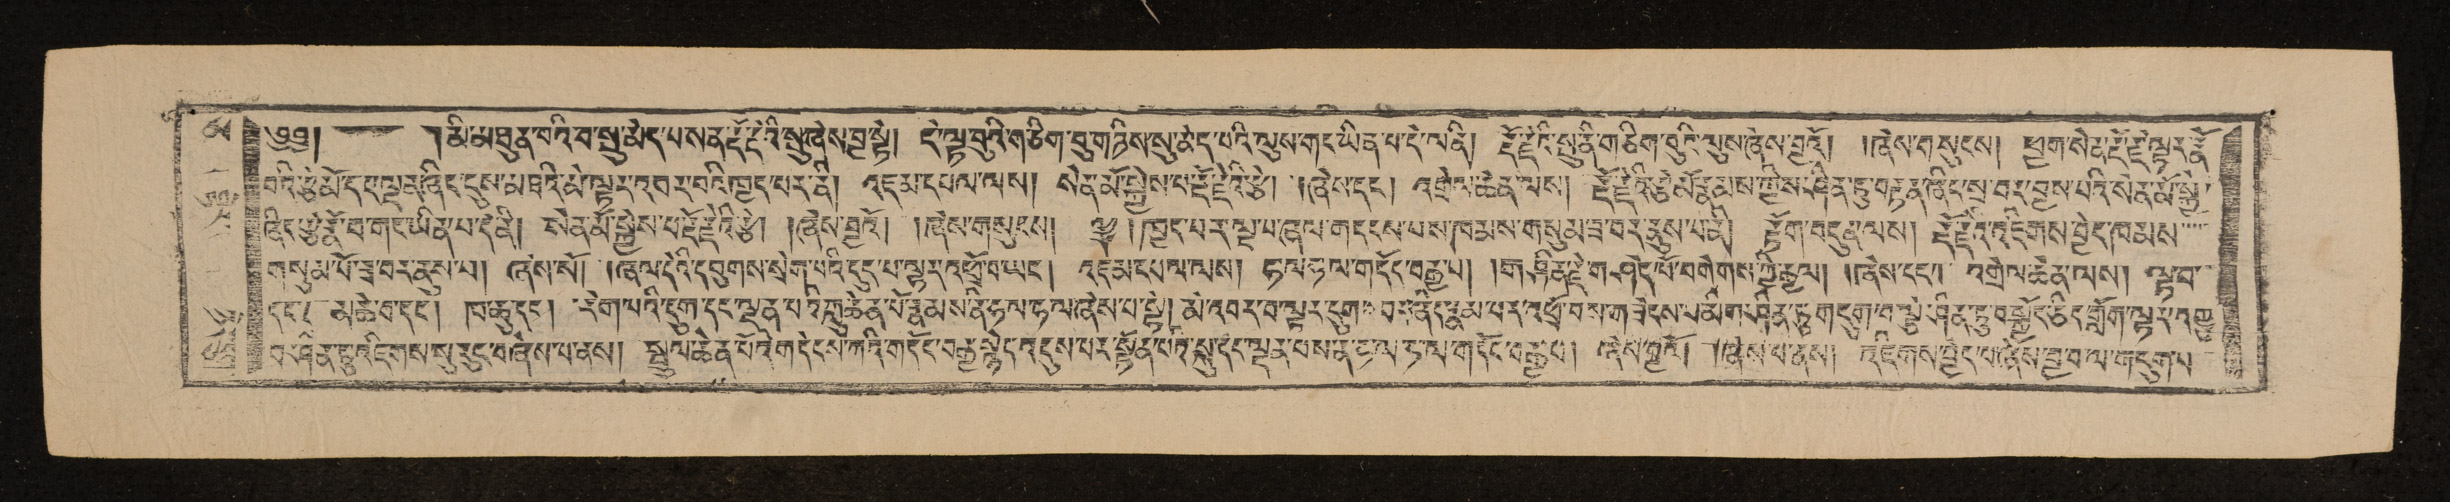༄༅། །མི་མཐུན་པའི་བ་སྤུ་མེད་པས་ན་རྡོ་རྗེའི་སྤུ་ཞེས་བྱ་སྟེ། དེ་ལྟ་བུའི་གཅིག་པུ་གཉིས་སུ་མེད་པའི་ལུས་གང་ཡིན་པ་དེ་ལ་ནི། རྡོ་རྗེའི་སྤུ་ནི་གཅིག་པུའི་ལུས་ཞེས་བྱའོ། །ཞེས་གསུངས། ཕྱག་སེན་རྡོ་རྗེ་ལྟར་རྣོ་
བའི་རྩེ་མོ་དང་ལྡན་ཞིང་དུས་མཐའི་མེ་ལྟར་འབར་བའི་ཁྱད་པར་ནི། འཇམ་དཔལ་ལས། སེན་མོ་སྐྱེས་པ་རྡོ་རྗེའི་རྩེ། །ཞེས་དང་། འགྲེལ་ཆེན་ལས། རྡོ་རྗེའི་རྩེ་མོ་རྣམས་ཀྱིས་ཤིན་ཏུ་བརྟན་ཞིང་སྲ་བར་བྱས་པའི་སེན་མོ་སྐྱེ་
ཞིང་རྩེ་རྣོ་བ་གང་ཡིན་པ་དེ་ནི། སེན་མོ་སྐྱེས་པ་རྡོ་རྗེའི་རྩེ། །ཞེས་བྱའོ། །ཞེས་གསུངས། ༈ །ཁྱད་པར་ལྔ་པ་ཞལ་གདངས་པས་ཁམས་གསུམ་ཟ་བར་ནུས་པ་ནི། རྟོག་བདུན་ལས། རྡོ་རྗེའི་འཇིགས་བྱེད་ཁམས་
གསུམ་པོ་ཟ་བར་ནུས་པ། ཞེས་སོ། །ཞལ་དེའི་དབུགས་སྲེག་པའི་དུད་པ་ལྟར་འཕྲོ་བ་ཡང་། འཇམ་དཔལ་ལས། ཧ་ལ་ཧ་ལ་གདོང་བརྒྱ་པ། །གཤིན་རྗེ་གཤེད་པོ་བགེགས་ཀྱི་རྒྱལ། །ཞེས་དང་། འགྲེལ་ཆེན་ལས། ལྟ་བ་
དང༑ མཆེ་བ་དང་། ཁ་ཆུ་དང་། རེག་པའི་དུག་དང་ལྡན་པའི་ཀླུ་ཆེན་པོ་རྣམས་ནི་ཧ་ལ་ཧ་ལ་ཞེས་པ་སྟེ། མེ་འབར་བ་ལྟར་དུག་འབར་ཞིང་རྣམ་པར་འཕྲོ་བས་གཟེངས་པ་མིག་ཤིན་ཏུ་གདུག་པ་ལྕེ་ཤིན་ཏུ་བསྐྱོད་ཅིང་གློག་ལྟར་འགྱུ་
བ་ཤིན་ཏུ་འཇིགས་སུ་རུང་བ་ཞེས་པ་ནས། སྦྲུལ་ཆེན་པོའི་གདེངས་ཀའི་གདོང་བརྒྱ་སྙེད་འདུས་པར་སྟོན་པའི་སྐུ་དང་ལྡན་པས་ན་ཧ་ལ་ཧ་ལ་གདོང་བརྒྱ་པ། ཞེས་བྱའོ། །ཞེས་པ་ནས། འཇིགས་བྱེད་བ་ཞེས་བྱ་བ་ལ་གདུག་པ་